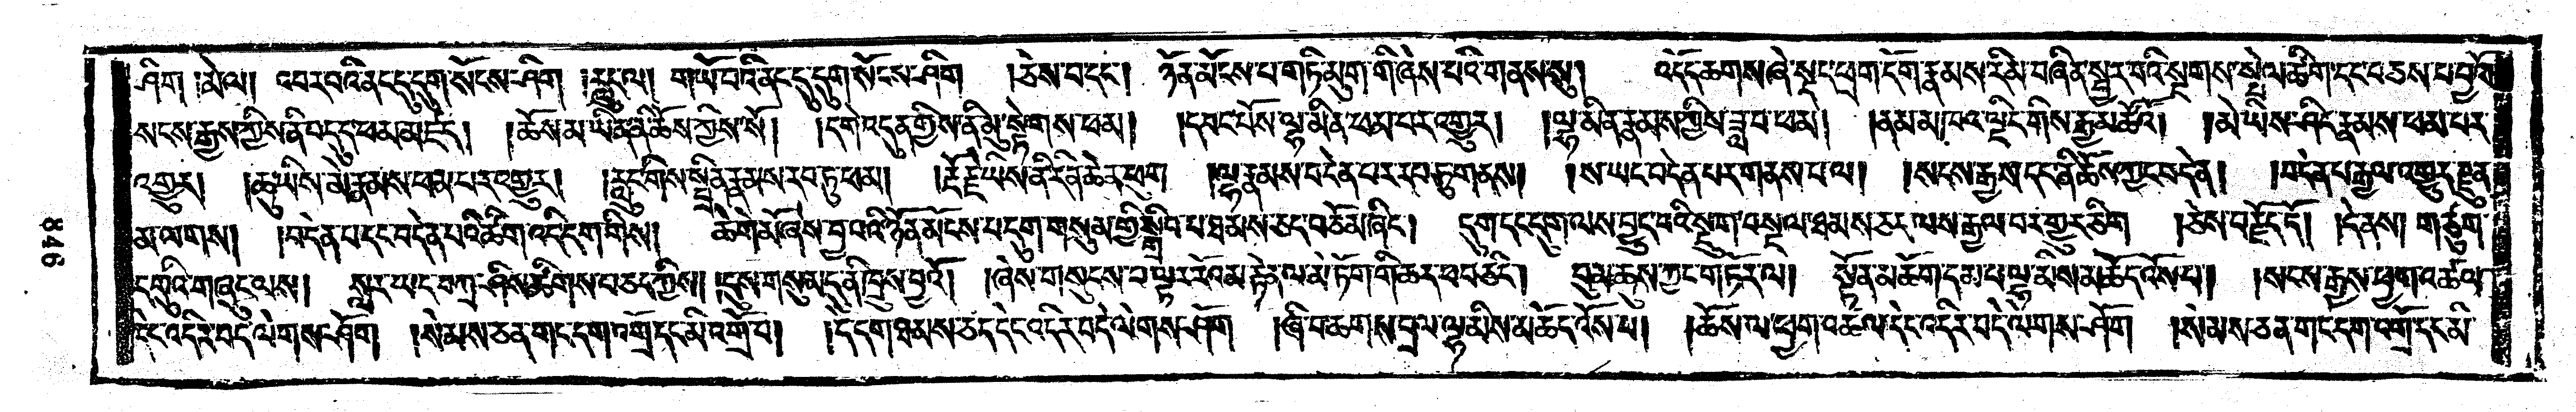ཤིག །མེ་ལ། འབར་བའི་ནང་དུ་དུག་སོགས་ཤིག །རླུང་ལ། གཡོ་བའི་ནང་དུ་དུག་སོངས་ཤིག །ཅེས་པ་དང་། ཉོན་མོངས་པ་གཏི་མུག་གི་ཞེས་པའི་གནས་སུ། འདོད་ཆགས་ཞེ་སྡང་ཕྲག་དོག་རྣམས་རིམ་བཞིན་སྦྱར་བའི་སྔགས་སྤེལ་ཚིག་དང་བཅས་པ་བྱའོ།
སངས་རྒྱས་ཀྱིས་ནི་བདུད་ཕམ་མཛད། །ཆོས་མ་ཡིན་ནི་ཆོས་ཀྱིས་སོ། །དགེ་འདུན་གྱིས་ནི་མུ་སྟེགས་ཕམ། །དབང་པོས་ལྷ་མིན་ཕམ་པར་འགྱུར། །ལྷ་མིན་རྣམས་ཀྱིས་ཟླ་བ་ཕམ། །ནམ་མཁའ་ལྡིང་གིས་རྒྱ་མཚོའོ། །མེ་ཡིས་ཤིང་རྣམས་ཕམ་པར་
འགྱུར། །ཆུ་ཡིས་མེ་རྣམས་ཕམ་པར་འགྱུར། །རླུང་གིས་སྤྲིན་རྣམས་རབ་ཏུ་ཕམ། །རྡོ་རྗེ་ཡིས་ནི་རིན་ཆེན་ཕུག། ལྷ་རྣམས་བདེན་པ་རབ་ཏུ་གནས། །ས་ཡང་བདེན་པར་གནས་པ་ལ། །སངས་རྒྱས་དང་ནི་ཆོས་ཀྱང་བདེན། །བདེན་པ་རྒྱལ་འགྱུར་རྫུན་
མ་ལགས། །བདེན་པ་དང་བདེན་པའི་ཚིག་འདི་དག་གིས། །ཆེ་གེ་མོ་ཞེས་བྱ་བའི་ཉོན་མོངས་པ་དུག་གསུམ་གྱི་སྒྲིབ་པ་ཐམས་ཅད་བཅོམ་ཞིང་། དུག་དང་དུག་ལས་བྱུང་བའི་སྡུག་བསྔལ་ཐམས་ཅད་ལས་རྒྱལ་བར་གྱུར་ཅིག །ཅེས་བརྗོད་དོ། །དེ་ནས། གཙུག་
དགུའི་གཞུང་ལས། སླར་ཡང་བཀྲ་ཤིས་ཚིགས་བཅད་ཀྱིས། །དུས་གསུམ་དུ་ནི་ཁྲུས་བྱའོ། །ཞེས་གསུངས་པ་ལྟར་རོའམ་རྟེན་ལ་མེ་ཏོག་གི་ཆར་ཕབ་ཅིང་། བུམ་ཆུས་ཀྱང་གཏོར་ལ། །སྟོན་མཆོག་དམ་པ་ལྷ་མིས་མཆོད་འོས་པ། །སངས་རྒྱས་ཕྱག་འཚལ་
དེང་འདིར་བདེ་ལེགས་ཤོག །སེམས་ཅན་གང་དག་འགྲོ་དང་མི་འགྲོ་བ། །དེ་དག་ཐམས་ཅད་དེང་འདིར་བདེ་ལེགས་ཤོག །ཞི་བ་ཆགས་བྲལ་ལྷ་མིས་མཆོད་འོས་པ། །ཆོས་ལ་ཕྱག་འཚལ་དེང་འདིར་བདེ་ལེགས་ཤོག །སེམས་ཅན་གང་དག་འགྲོ་དང་མི་